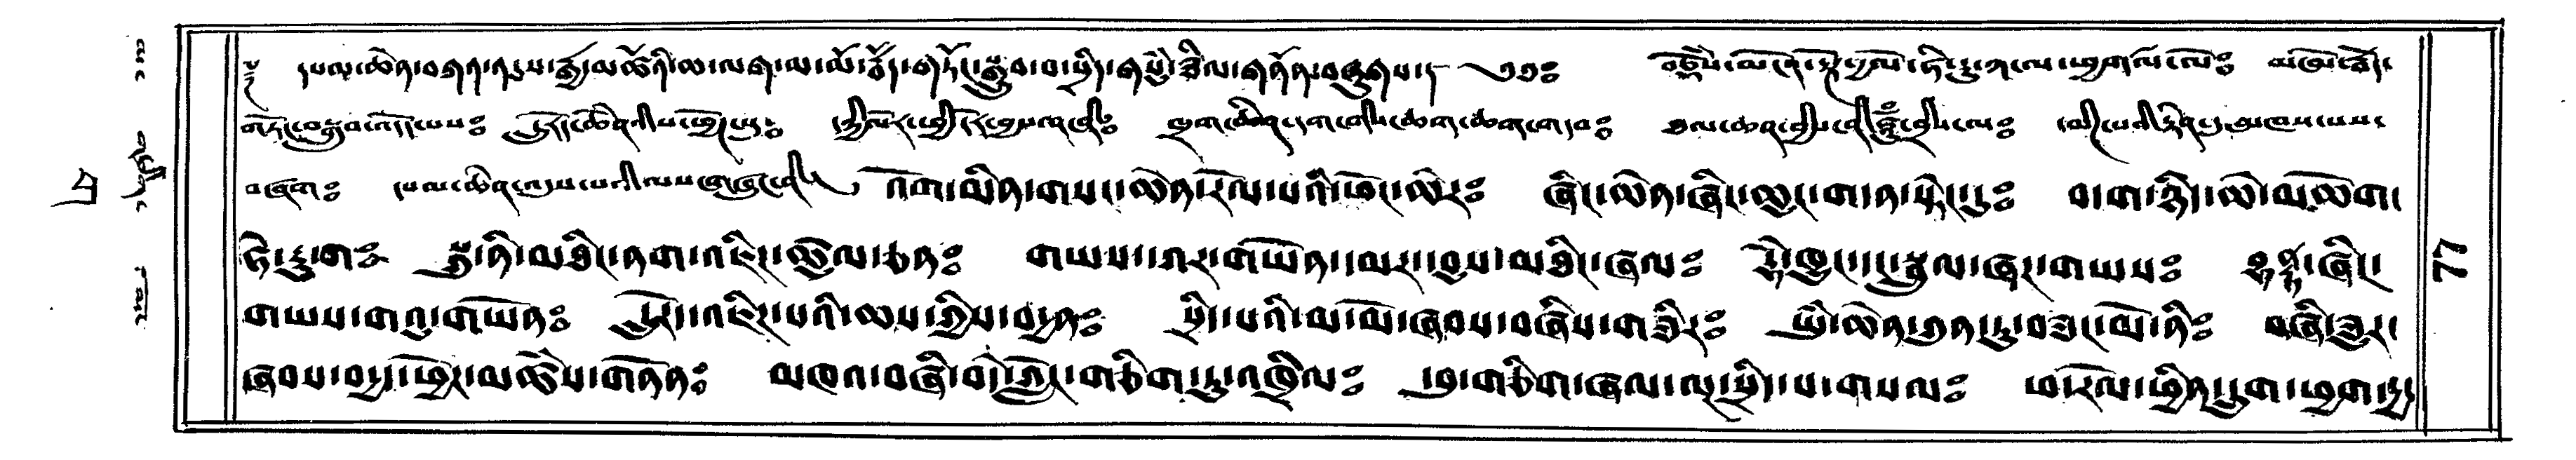༄༅།དཔལ་ཆེན་བཀའ་འདུས་རྒྱ་མཚོའི་ཆ་ལག་མ་མོ་རྦོད་གཏོང་སྒྲུབ་པ་སྲིད་གསུམ་ཟིལ་གནོན་བཞུགས། ༄༅། བཅོམ་ལྡན་འདས་མངོན་རྟོགས་རྒྱལ་པོ་ཧེ་རུ་ཀ་ལ་ཕྱག་འཚལ་ལོ། །མ་མོ་རྦོད་
གཏོང་སྒྲུབ་འདོད་པས། །དུར་ཁྲོད་ཆེན་པོའི་ས་ཕྱོགས་སུ། །དཀྱིལ་འཁོར་ཕྱི་དོར་བྱས་ནས་ནི། ཁྲག་ཆེན་དག་གིས་ཆག་ཆག་གདབ། །ཐལ་ཆན་གྱིས་ནི་ཧཱུྃ་བྲིས་ལ། །དམིགས་པའི་རྟེན་དུ་མཁས་པས་
བཞག །དཔལ་ཆེན་འདུས་པའི་ལས་གཞུང་གི འོག་མིན་གསང་ཆེན་རོལ་པའི་ཕོ་བྲང་ཆེར། ཞེས་པའི་མཚམས་སུ། ཞིང་ཆེན་ཞིང་ཆུང་གདན་སྟེང་དུཿ བདག་ཉིད་ཆེ་མཆོག་
ཧེ་རུ་ཀཿ སྐུ་ནི་མཐིང་ནག་འཇིགས་ཚུལ་ཅནཿ གཡས་དཀར་གཡོན་དམར་དབུས་མཐིང་ཞལཿ རྡོ་རྗེ་ཁྱུང་དང་སྦྲུལ་ཞགས་གཡསཿ བྷནྡྷ་ཞིང་
གཡས་གའུ་གཡོནཿ དུར་ཁྲོད་འཇིགས་པའི་ཆས་ཀྱིས་བརྒྱནཿ སྲིད་པའི་མ་མོ་ཞབས་བཞིས་གཟིརཿ ཡུམ་ཆེན་ཀུན་ཏུ་བཟང་མོ་ནིཿ བཞི་ཟུར་
ཞབས་བརྒྱད་ཕྱོགས་མཚམས་གནོནཿ མཁའ་བཞི་བདེ་ཀློང་གཅིག་ཏུ་འཁྲིལཿ དབུ་གཅིག་ཞལ་ལྔ་སྲིད་པ་གསལཿ ཕ་རོལ་ཕྱིན་དྲུག་ཕྱག་རྒྱ་